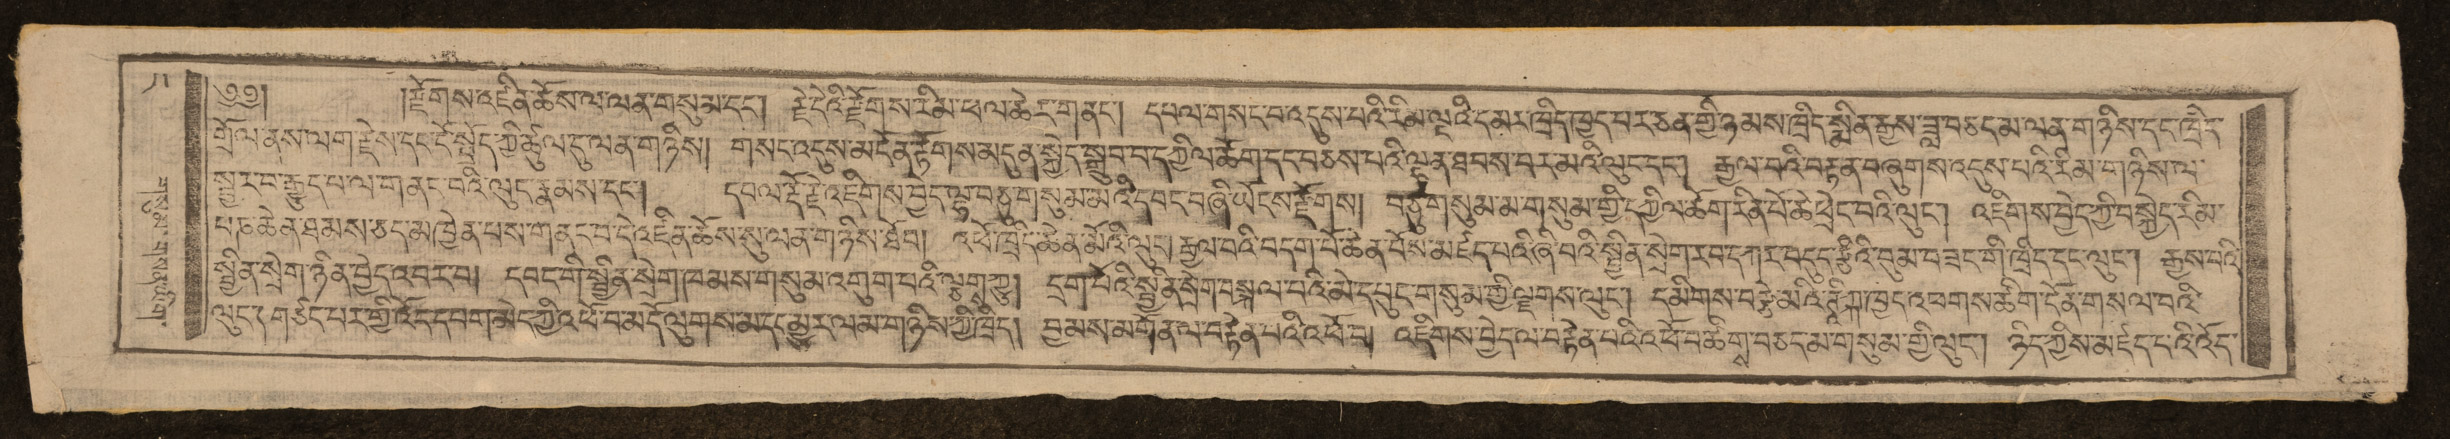༄༅། །རྫོགས་འཛིན་ཆོས་ལ་ལན་གསུམ་དང་། རྗེ་དེའི་རྫོགས་རིམ་ཕལ་ཆེར་གནང་། དཔལ་གསང་བ་འདུས་པའི་རིམ་ལྔའི་དམར་ཁྲིད་ཁྱད་པར་ཅན་གྱི་ཉམས་ཁྲིད་སྨིན་རྒྱས་ཟླ་བཅད་མ་ལན་གཉིས་དང་ཁྲིད་
གྲོལ་ནས་ལག་རྗེས་དང་ངོ་སྤྲོད་ཀྱི་ཚུལ་དུ་ལན་གཉིས། གསང་འདུས་མངོན་རྟོགས་མདུན་སྐྱེད་སྒྲུབ་པ་དཀྱིལ་ཆོག་དང་བཅས་པའི་ལྷན་ཐབས་པར་མའི་ལུང་དང་། རྒྱལ་བའི་བརྟན་བཞུགས་འདུས་པའི་རིམ་གཉིས་ལ་
སྦྱར་བ་རྒྱུད་པ་ལ་གནང་བའི་ལུང་རྣམས་དང་། དཔལ་རྡོ་རྗེ་འཇིགས་བྱེད་ལྷ་བཅུ་གསུམ་མའི་དབང་བཞི་ཡོངས་རྫོགས། བཅུ་གསུམ་མ་གསུམ་གྱི་དཀྱིལ་ཆོག་རིན་པོ་ཆེ་ཕྲེང་བའི་ལུང་། འཇིགས་བྱེད་ཀྱི་བསྐྱེད་རིམ་
པཎ་ཆེན་ཐམས་ཅད་མཁྱེན་པས་གནང་བ་དེ་འཛིན་ཆོས་སུ་ལན་གཉིས་ཐོབ། འཕོ་ཁྲིད་ཆེན་མོའི་ལུང་། རྒྱལ་བའི་བདག་པོ་ཆེན་པོས་མཛད་པའི་ཞི་བའི་སྦྱིན་སྲེག་རབ་དཀར་བདུད་རྩིའི་བུམ་བཟང་གི་ཁྲིད་དང་ལུང་། རྒྱས་པའི་
སྦྱིན་སྲེག་ཉིན་བྱེད་འབར་བ། དབང་གི་སྦྱིན་སྲེག་ཁམས་གསུམ་འགུག་པའི་ལྕགས་ཀྱུ། དྲག་པོའི་སྦྱིན་སྲེག་བསྐལ་བའི་མེ་དཔུང་གསུམ་གྱི་ལྗགས་ལུང་། དམིགས་བརྩེ་མའི་ཊཱིཀྐ་ཁྱད་འཕགས་ཚིག་དོན་གསལ་བའི་
ལུང༑ གཙང་པར་གྱི་འོད་དཔག་མེད་ཀྱི་འཕོ་བ་མདོ་ལུགས་མ་དང་མྱུར་ལམ་གཉིས་ཀྱི་ཁྲིད། བྱམས་མགོན་ལ་བརྟེན་པའི་འཕོ་བ། འཇིགས་བྱེད་ལ་བརྟེན་པའི་འཕོ་བ་ཚིགས་བཅད་མ་གསུམ་གྱི་ལུང་། ཉིད་ཀྱིས་མཛད་པའི་འོད་